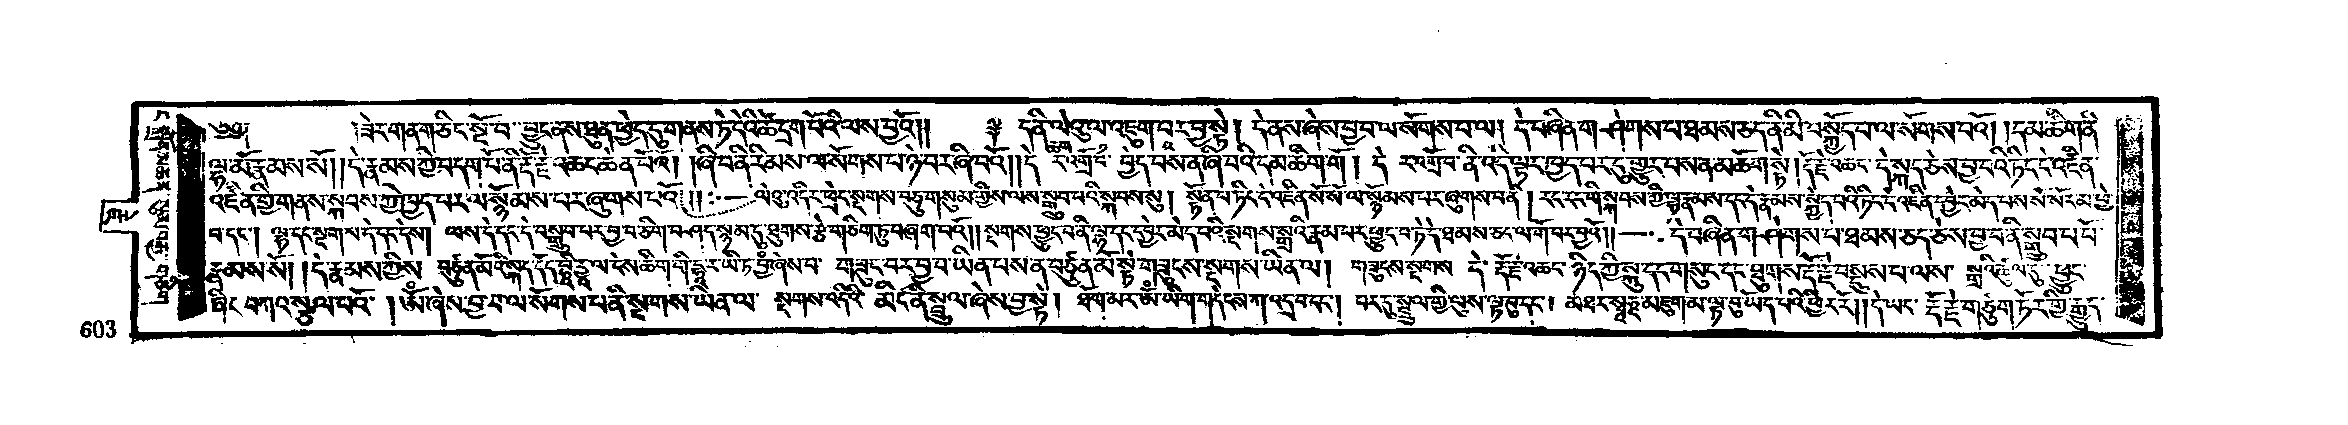༄༅། །ཟེར་གནག་ཅིང་སྔོ་བ་བྱུང་ནས་ཐུན་ཕྱེད་དུ་གནས་ཏེ་དེའི་ཚེ་དྲག་པོའི་ལས་བྱའོ།། ༈ ད་ནི་ལེའུ་ལ་འཇུག་པར་བྱ་སྟེ། དེ་ནས་ཞེས་བྱ་བ་ལ་སོགས་པ་ལ། དེ་བཞིན་གཤེགས་པ་ཐམས་ཅད་ནི་མི་བསྐྱོད་པ་ལ་སོགས་པའོ། །དམ་ཚིག་ནི་
ལྷ་མོ་རྣམས་སོ། །དེ་རྣམས་ཀྱི་བདག་པོ་ནི་རྡོ་རྗེ་འཆང་ཆེན་པོའོ། །ཞི་བ་ནི་རིམས་ལ་སོགས་པ་ཉེ་བར་ཞི་བའོ། །དེར་ཆག་འགྲོ་བ ༡་བྱེད་པས ༢་ན་ཞི་བའི་དམ་ཚིག་གོ །དེར་འགྲོ་བ་ནི་འདི་ལྟར་ཁྱད་པར་དུ་གྱུར་པས་ན་མཆོག་སྟེ། རྡོ་རྗེ་འཆང་དེ་སྐད་ཅེས་བྱ་བའི་ཏིང་ངེ་འཛིན་
འཛིན་གྱི་གནས་སྐབས་ཀྱི་ཁྱད་པར་ལ་སྙོམས་པར་ཞུགས་པའོ།། ལེའུ་འདིར་ཕྲེང་སྔགས་བཅུ་གསུམ་གྱིས་ལས་སྒྲུབ་པའི་སྐབས་སུ། སྟོན་པ་ཏིང་ངེ་འཛིན་སོ་སོ་ལ་སྙོམས་པར་ཞུགས་པ་ནི། རང་རང་གི་སྐབས་ཀྱི་ལྷ་རྣམས་དང་དེ་རྣམས་སྐྱེད་པའི་ཏིང་ངེ་འཛིན་དབྱེར་མེད་པས་སོ་སོར་མ་ཕྱེ་
པ་དང་། ལྷ་དང་སྔགས་དེ་དང་དེས། ལས་དེ་དང་དེ་བསྒྲུབ་པར་བྱ་བ་ཅིག་བཤད་སྙམ་དུ་ཐུགས་རྩེ་གཅིག་ཏུ་བཞག་པའོ། །སྔགས་ཕྱུང་བ་ནི་ལྷ་དང་དབྱེར་མེད་པའི་སྔགས་སྒྲའི་རྣམ་པར་ཕྱུང་བ་ཏེ་དེ་ཐམས་ཅད་ལ་གོ་བར་བྱའོ།། དེ་བཞིན་གཤེགས་པ་ཐམས་ཅད་ཅེས་བྱ་བ་ནི་སྒྲུབ་པ་པོ་
རྣམས་སོ། །དེ་རྣམས་ཀྱིས་བཙུན་མོའི་སྐད་དོད་བྷཱི་རྱཱ་ལ་ངེས་ཚིག་གི་དྷཱ་ར་ཡི་ཏ་བྱཾ་ཞེས་པ་གཟུང་བར་བྱ་བ་ཡིན་པས་ན་བཙུན་མོ་སྟེ་གཟུངས་སྔགས་ཡིན་ལ། གཟུངས་སྔགས་དེ་རྡོ་རྗེ་འཆང་ཉིད་ཀྱི་སྐུ་དང་གསུང་དང་ཐུགས་རྡོ་རྗེ་བསྡུས་པ་ལས་སྒྲའི་ཚུལ་དུ་ཕྱུང་
ཞིང་བཀའ་སྩལ་བའོ། །ཨོཾ་ཞེས་བྱ་བ་ལ་སོགས་པ་ནི་སྔགས་ཡིན་ལ་སྔགས་འདིའི་མིང་ནི་སྤྲུལ་ཞེས་བྱ་སྟེ། ཐོག་མར་ཨོཾ་ཡིག་གདེངས་ཀ་འདྲ་བ་དང་། བར་དུ་སྤྲུལ་གྱི་ལུས་ལྟ་བུ་དང་། མཐར་སྭཱ་ཧཱ་མཇུག་མ་ལྟ་བུ་ཡོད་པའི་ཕྱིར་རོ། །དེ་ཡང་རྡོ་རྗེ་གཙུག་ཏོར་གྱི་རྒྱུད་